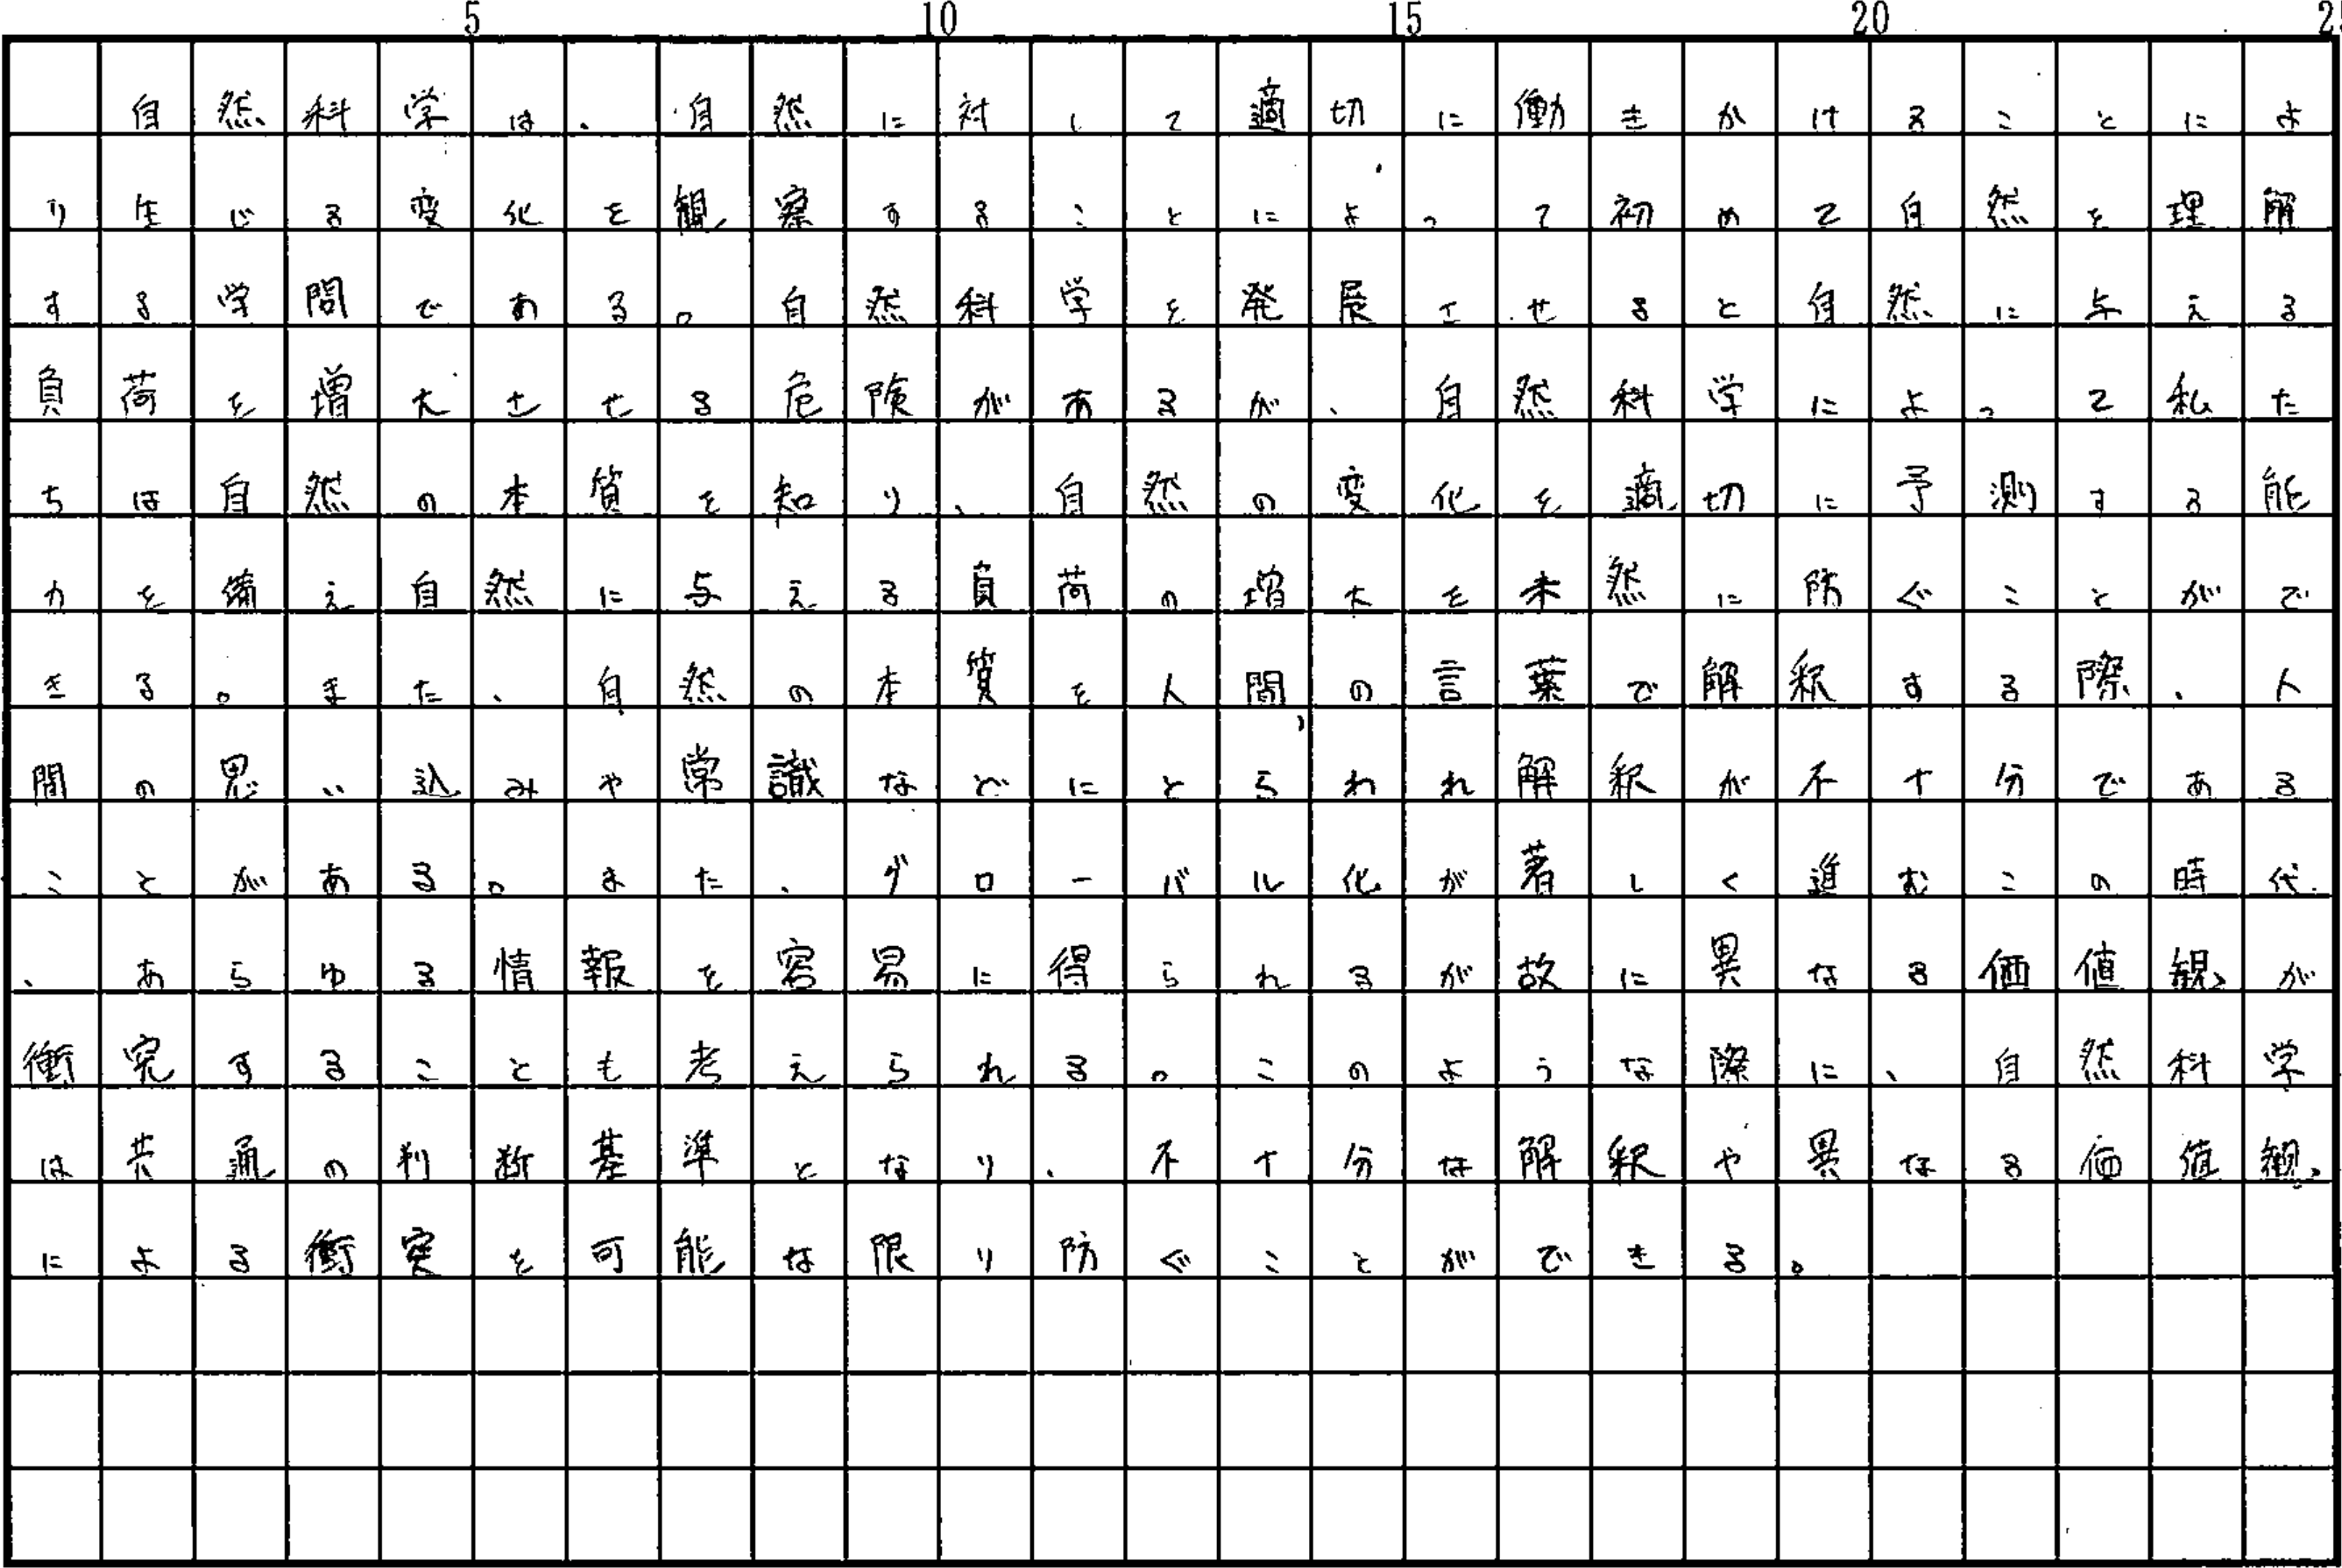　自然科学は、自然に対して適切に働きかけることにより生じる変化を観察することによって初めて自然を理解する学問である。自然科学を発展させると自然に与える負荷を増大させる危険があるが、自然科学によって私たちは自然の本質を知り、自然の変化を適切に予測する能力を備え自然に与える負荷の増大を未然に防ぐことができる。また、自然の本質を人間の言葉で解釈する際、人間の思い込みや常識などにとらわれ解釈が不十分であることがある。また、グローバル化が著しく進むこの時代、あらゆる情報を容易に得られるが故に異なる価値観が衝突することも考えられる。このような際に、自然科学は共通の判断基準となり、不十分な解釈や異なる価値観による衝突を可能な限り防ぐことができる。
